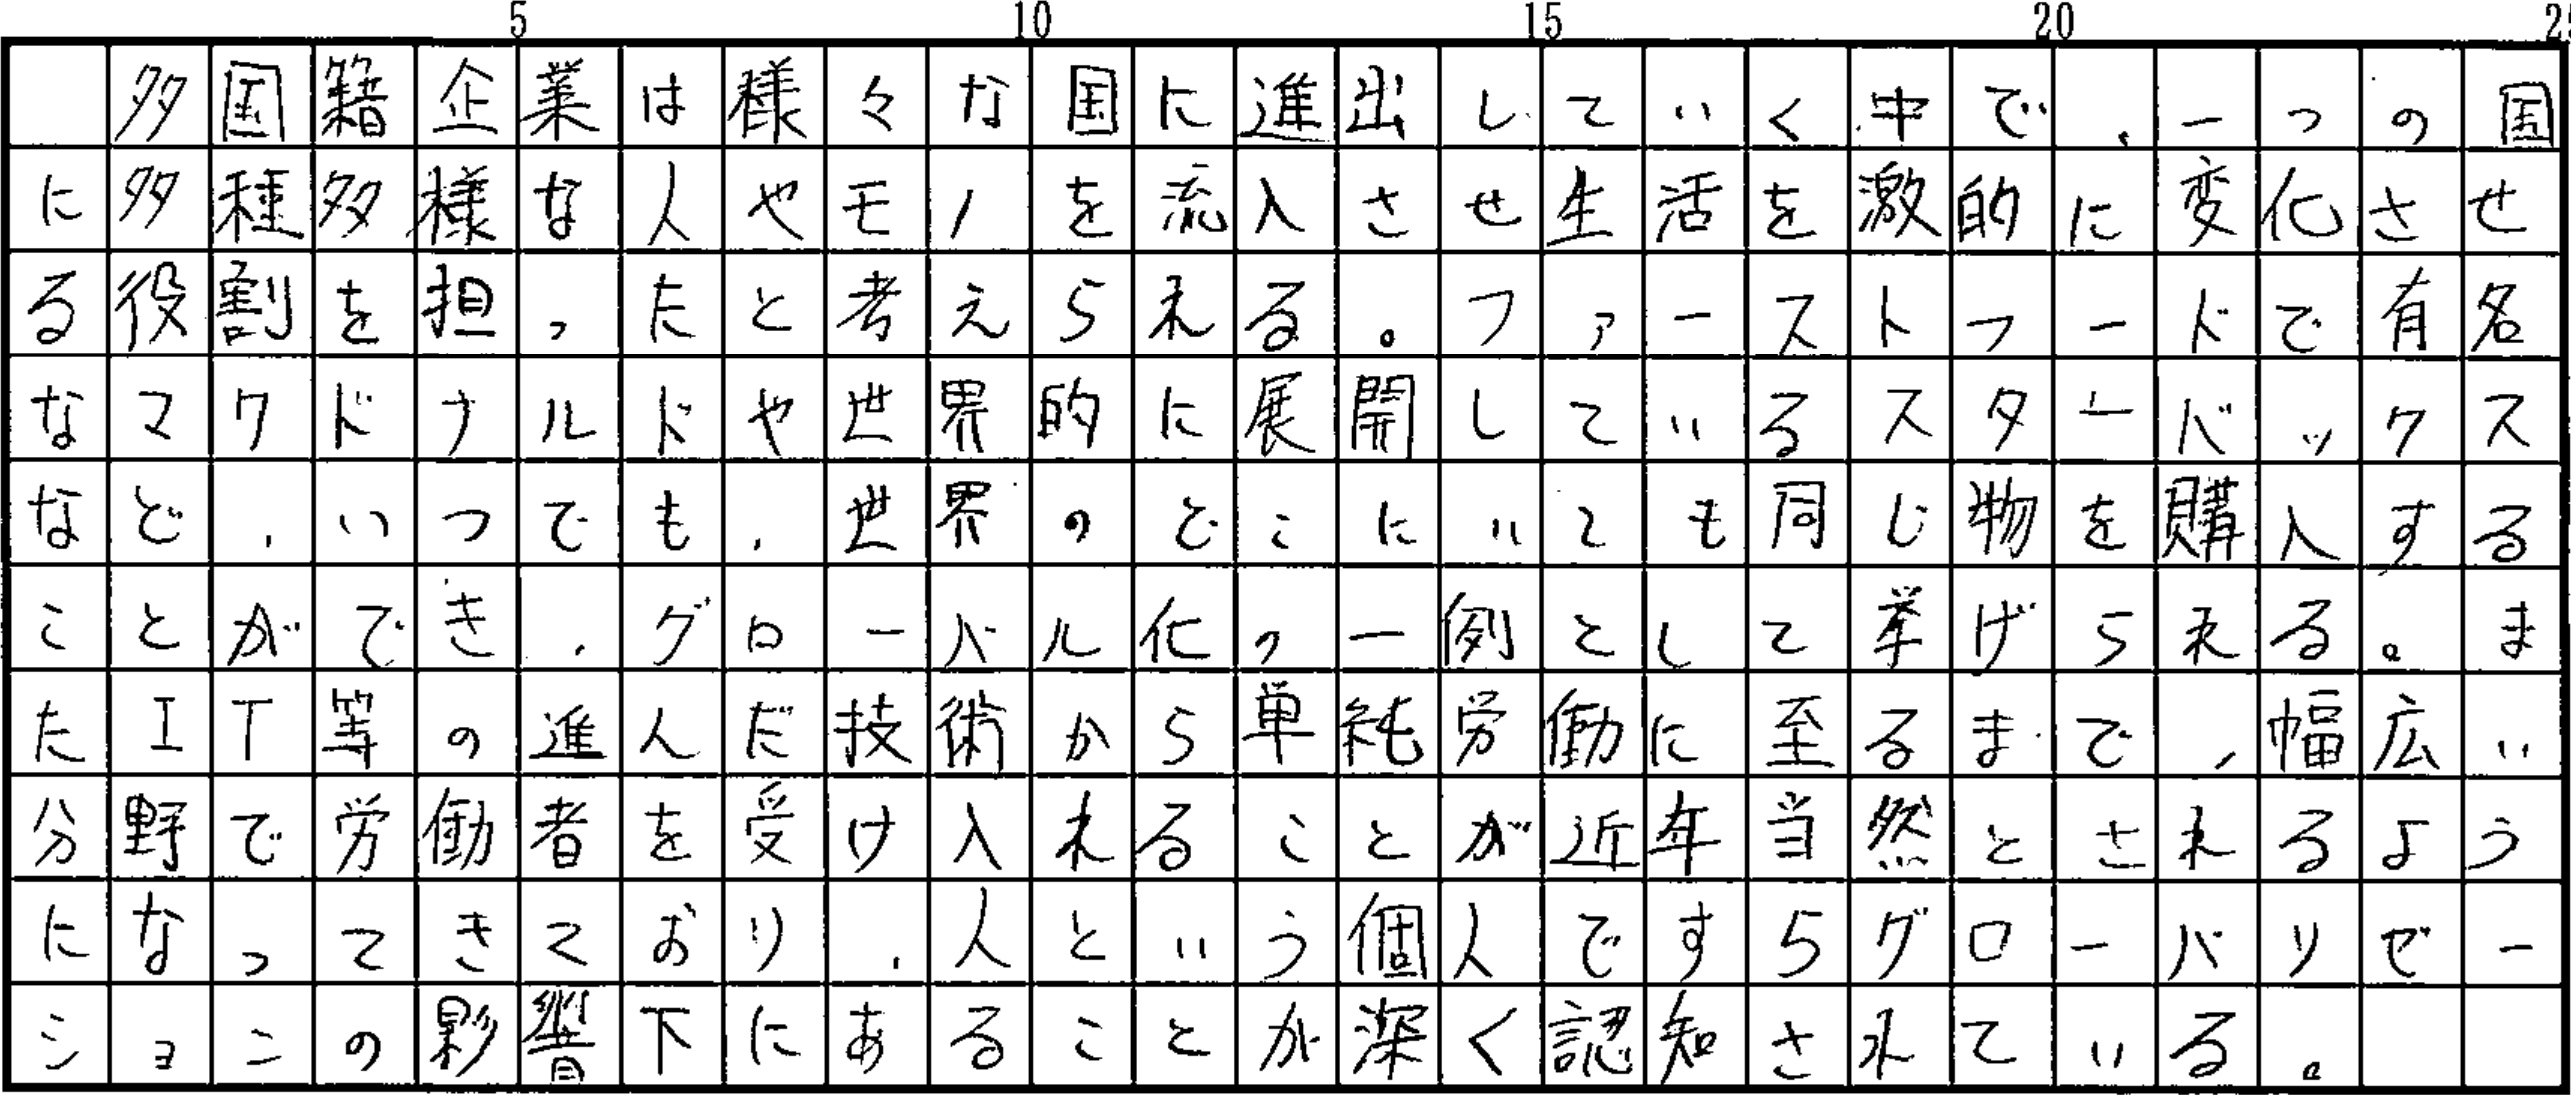　多国籍企業は様々な国に進出していく中で、一つの国に多種多様な人やモノを流入させ生活を激的に変化させる役割を担ったと考えられる。ファーストフードで有名なマクドナルドや世界的に展開しているスターバックスなど、いつでも、世界中のどこにいても同じ物を購入することができ、グローバル化の一例として挙げられる。またＩＴ等の進んだ技術から単純労働に至るまで、幅広い分野で労働者を受け入れることが近年当然とされるようになってきており、人という個人ですらグローバリゼーションの影響下にあることが深く認知されている。
